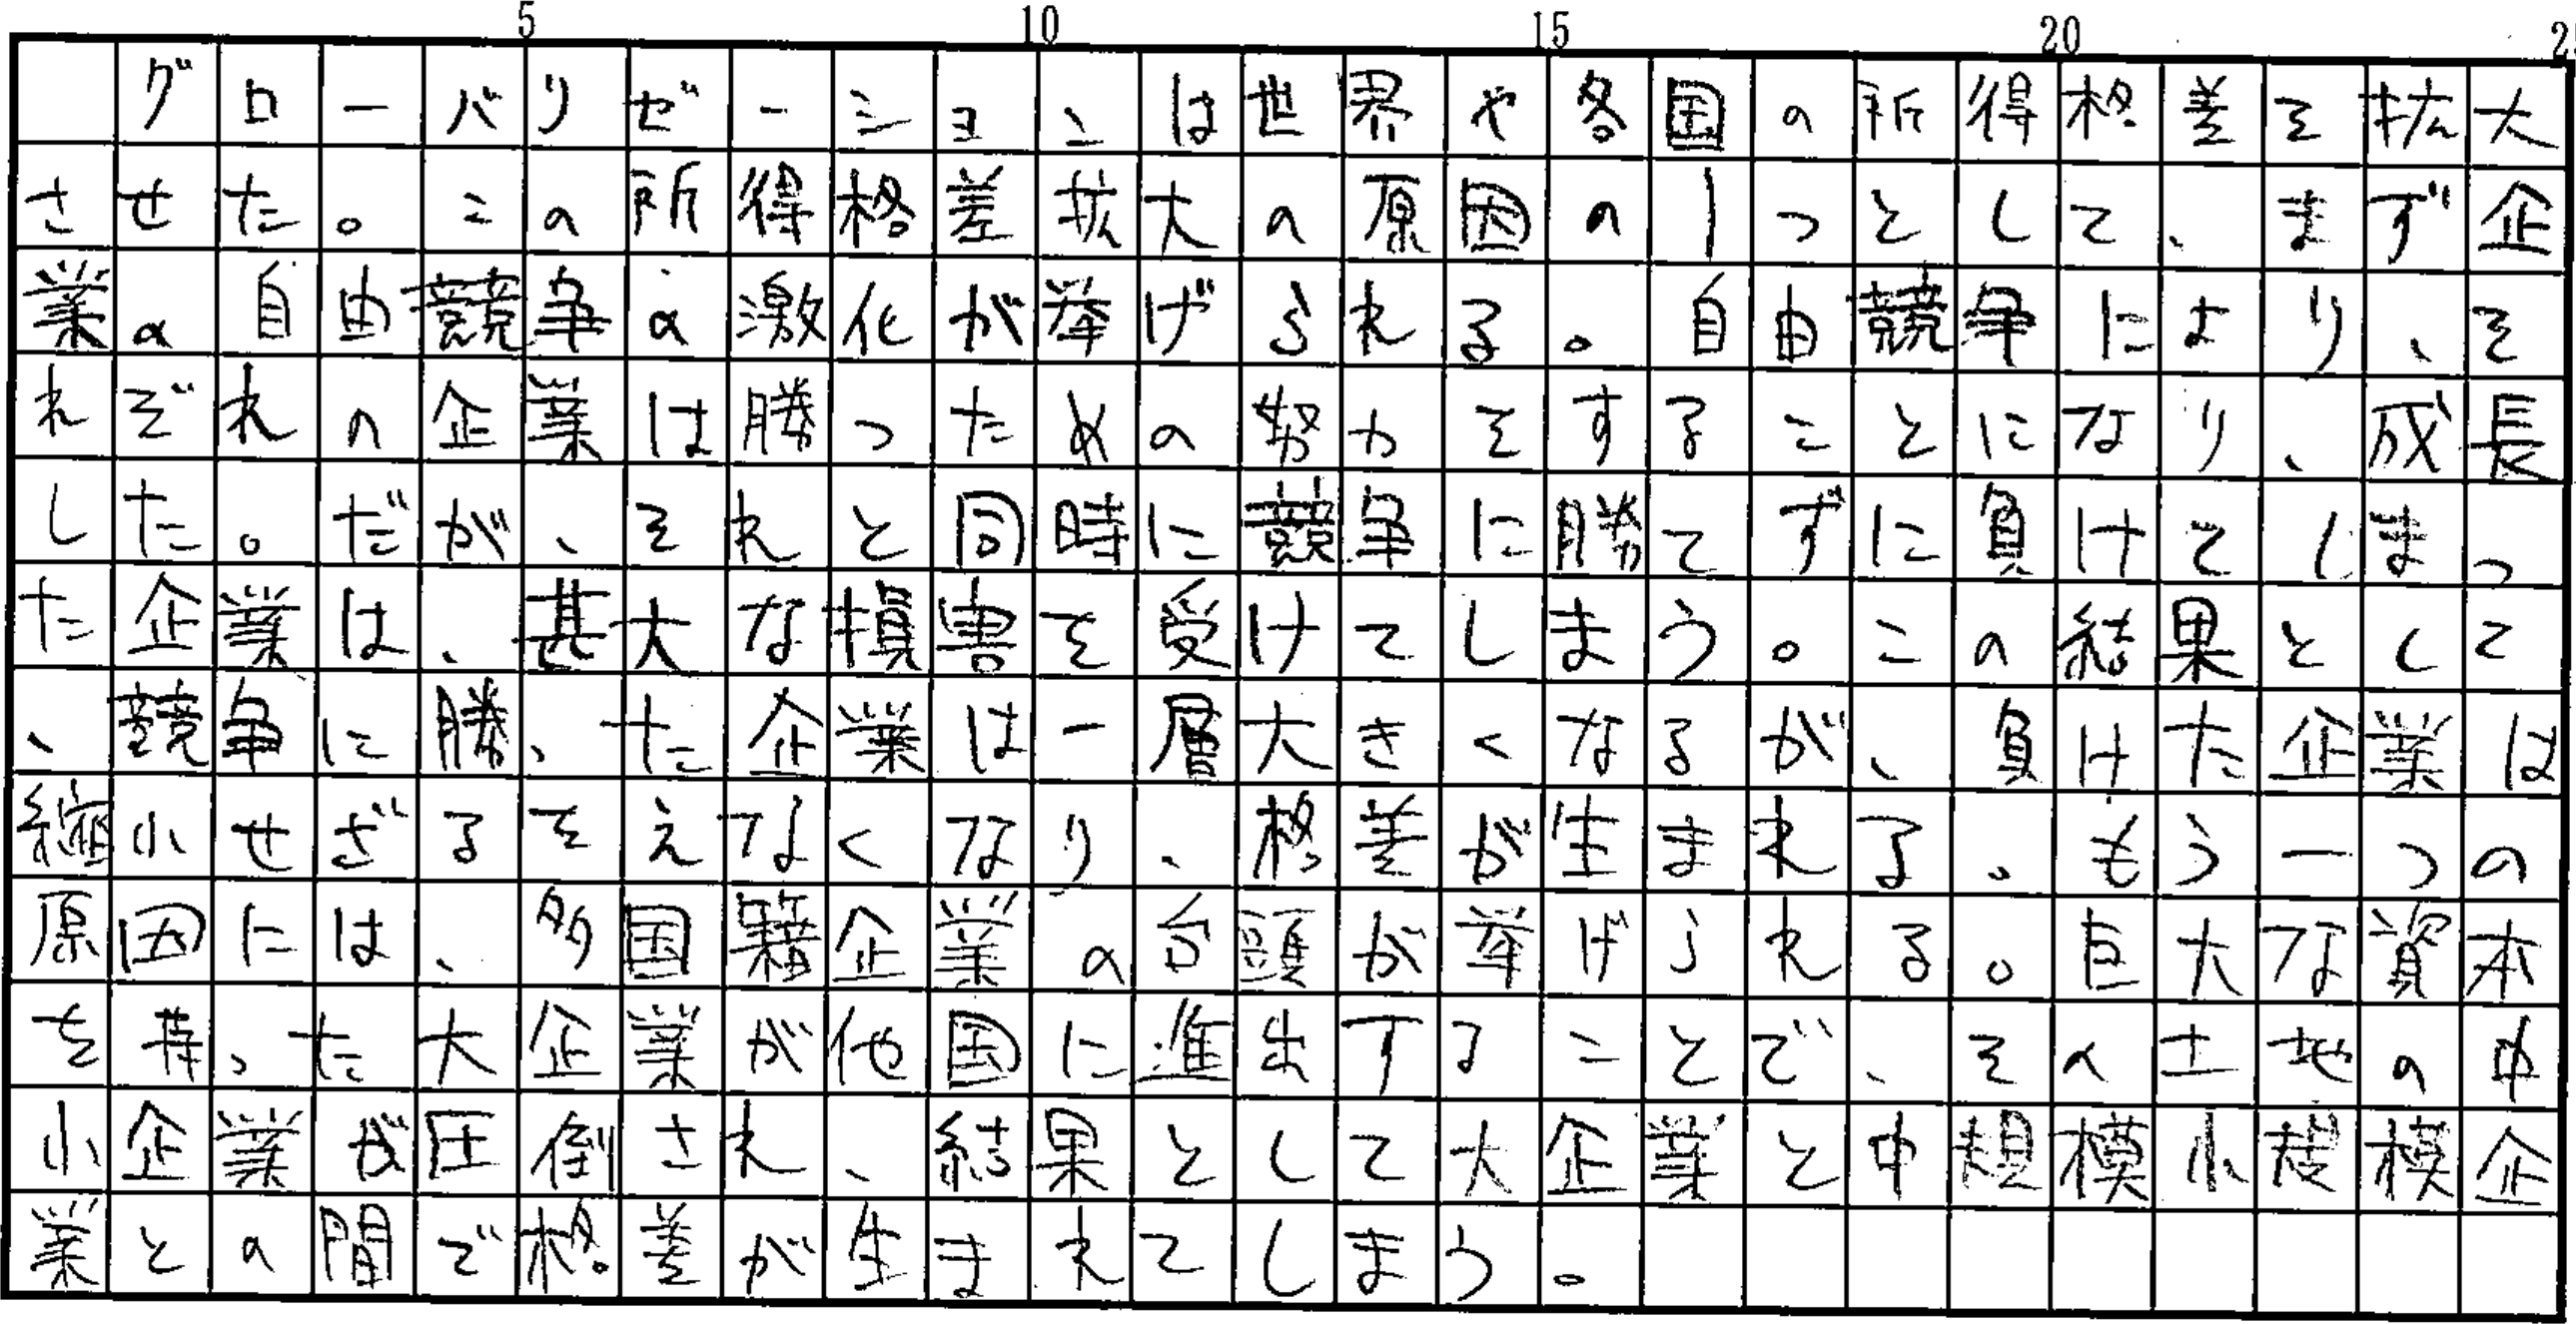　グローバリゼーションは世界や各国の所得格差を拡大させた。この所得格差拡大の原因の１つとして、まず企業の自由競争の激化が挙げられる。自由競争により、それぞれの企業は勝つための努力をすることになり、成長した。だが、それと同時に競争に勝てずに負けてしまった企業は、甚大な損害を受けてしまう。この結果として、競争に勝った企業は一層大きくなるが、負けた企業は縮小せざるをえなくなり、格差が生まれる。もう一つの原因には、多国籍企業の台頭が挙げられる。巨大な資本を持った大企業が他国に進出することで、その土地の中小企業が圧倒され、結果として大企業と中規模小規模企業との間で格差が生まれてしまう。
